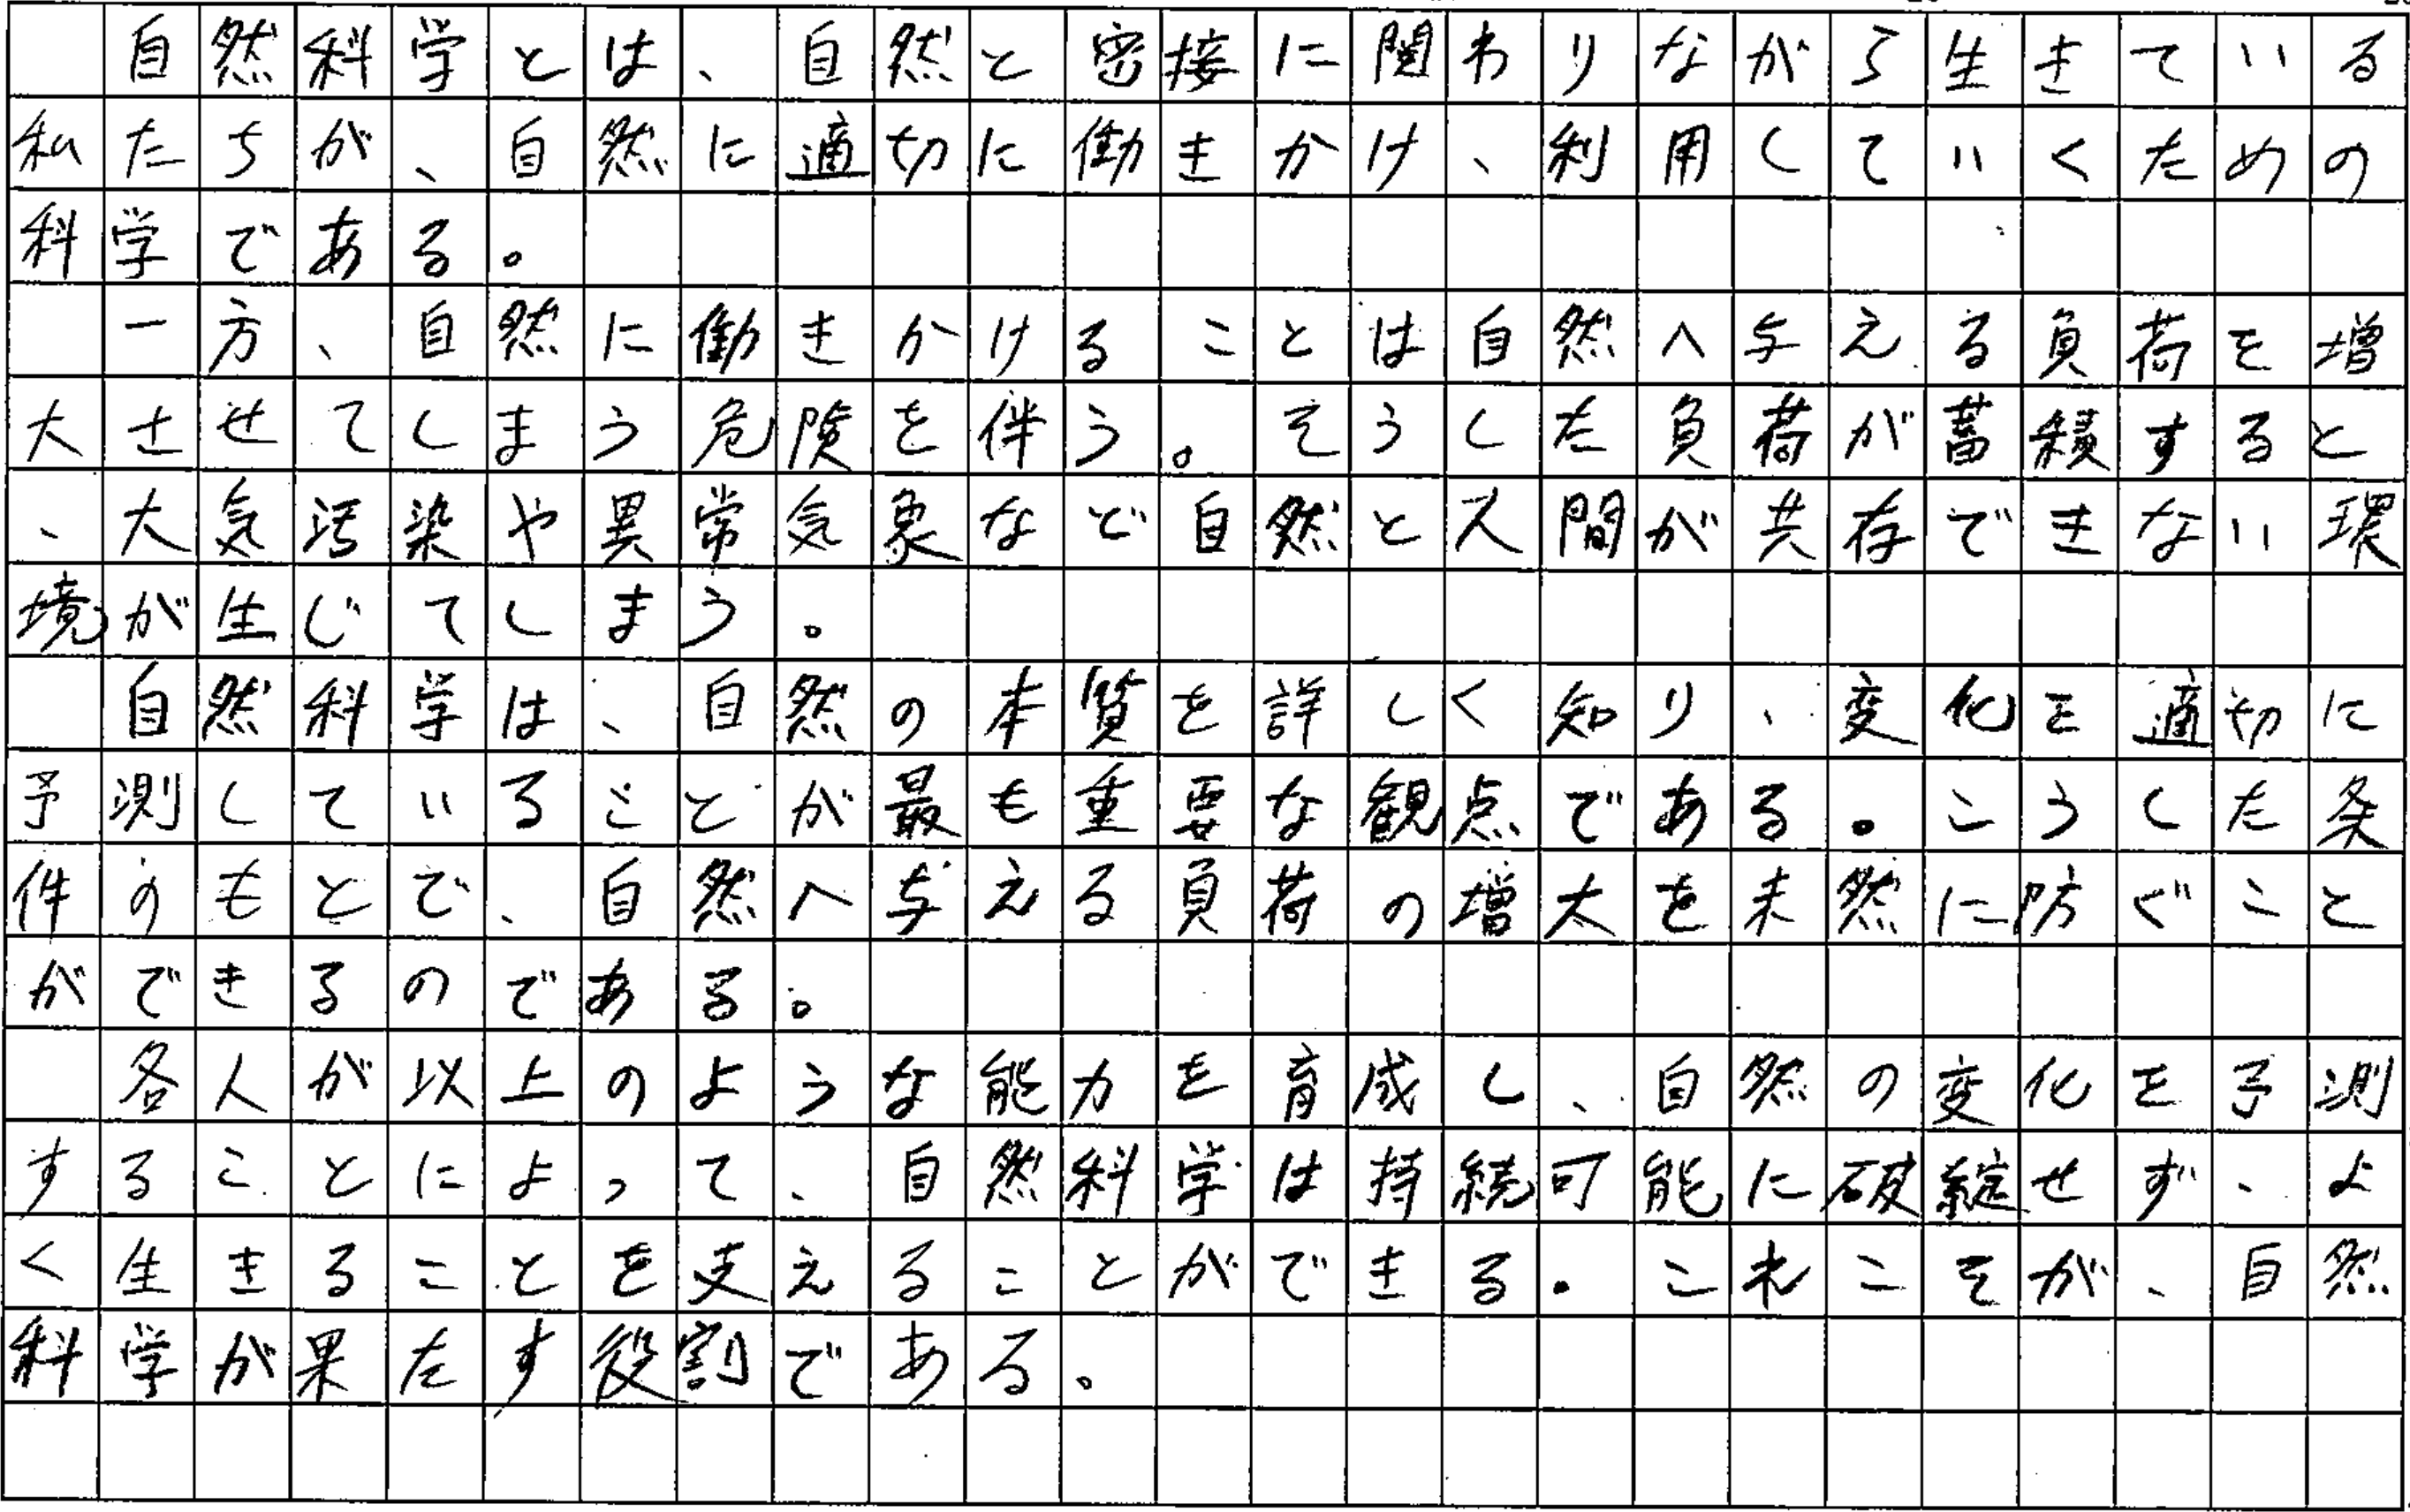自然科学とは、自然と密接に関わりながら生きている私たちが、自然に適切に働きかけ、利用していくための科学である。
　一方、自然に働きかけることは自然へ与える負荷を増大させてしまう危険を伴う。そうした負荷が蓄積すると、大気汚染や異常気象など自然と人間が共存できない環境が生じてしまう。
　自然科学は、自然の本質を詳しく知り、変化を適切に予測していることが最も重要な観点である。こうした条件のもとで、自然へ与える負荷の増大を未然に防ぐことができるのである。
　各人が以上のような能力を育成し、自然の変化を予測することによって、自然科学は持続可能に破綻せず、よく生きることを支えることができる。これこそが、自然科学が果たす役割である。
